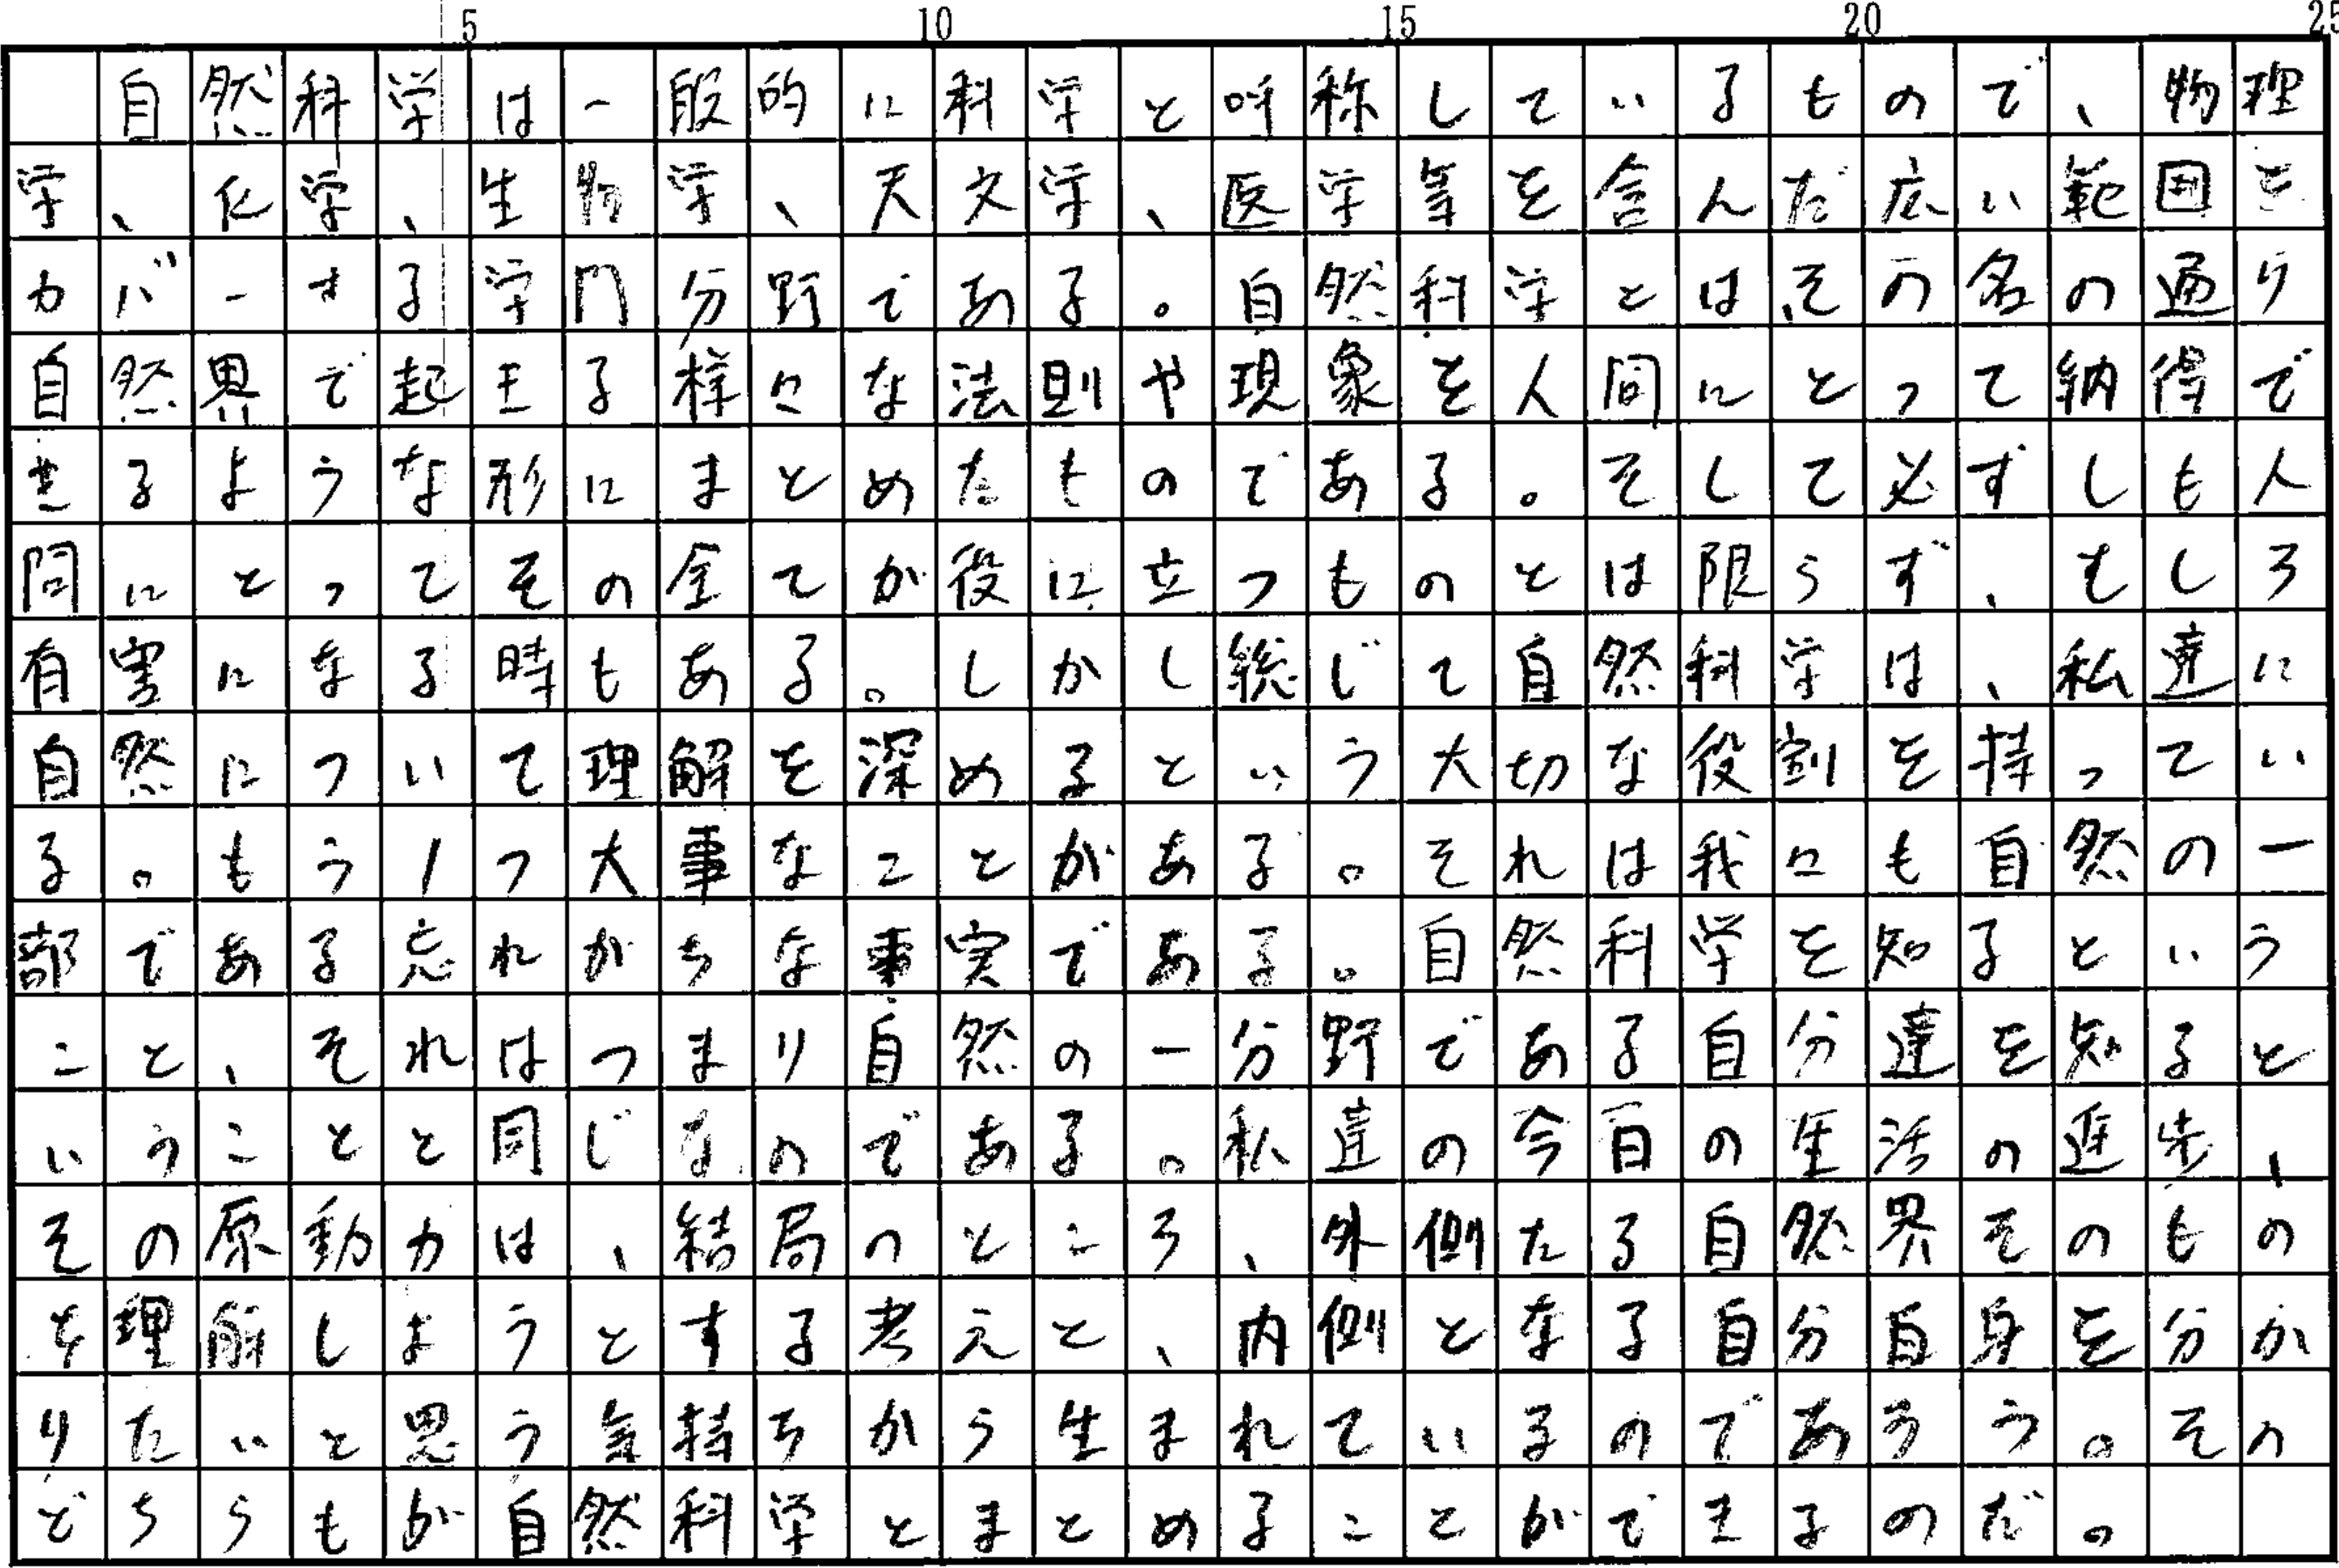　自然科学は一般的に科学と呼称しているもので、物理学、化学、生物学、天文学、医学等を含んだ広い範囲をカバーする学門分野である。自然科学とはその名の通り自然界で起きる様々な法則や現象を人間にとって納得できるような形にまとめたものである。そして必ずしも人間にとってその全てが役に立つものとは限らず、むしろ有害になる時もある。しかし総じて自然科学は、私達に自然について理解を深めるという大切な役割を持っている。もう１つ大事なことがある。それは我々も自然の一部である忘れがちな事実である。自然科学を知るということ、それはつまり自然の一分野である自分達を知るということと同じなのである。私達の今日の生活の進歩、その原動力は、結局のところ、外側たる自然界そのものを理解しようとする考えと、内側となる自分自身を分かりたいと思う気持ちから生まれているのであろう。そのどちらもが自然科学とまとめることができるのだ。
